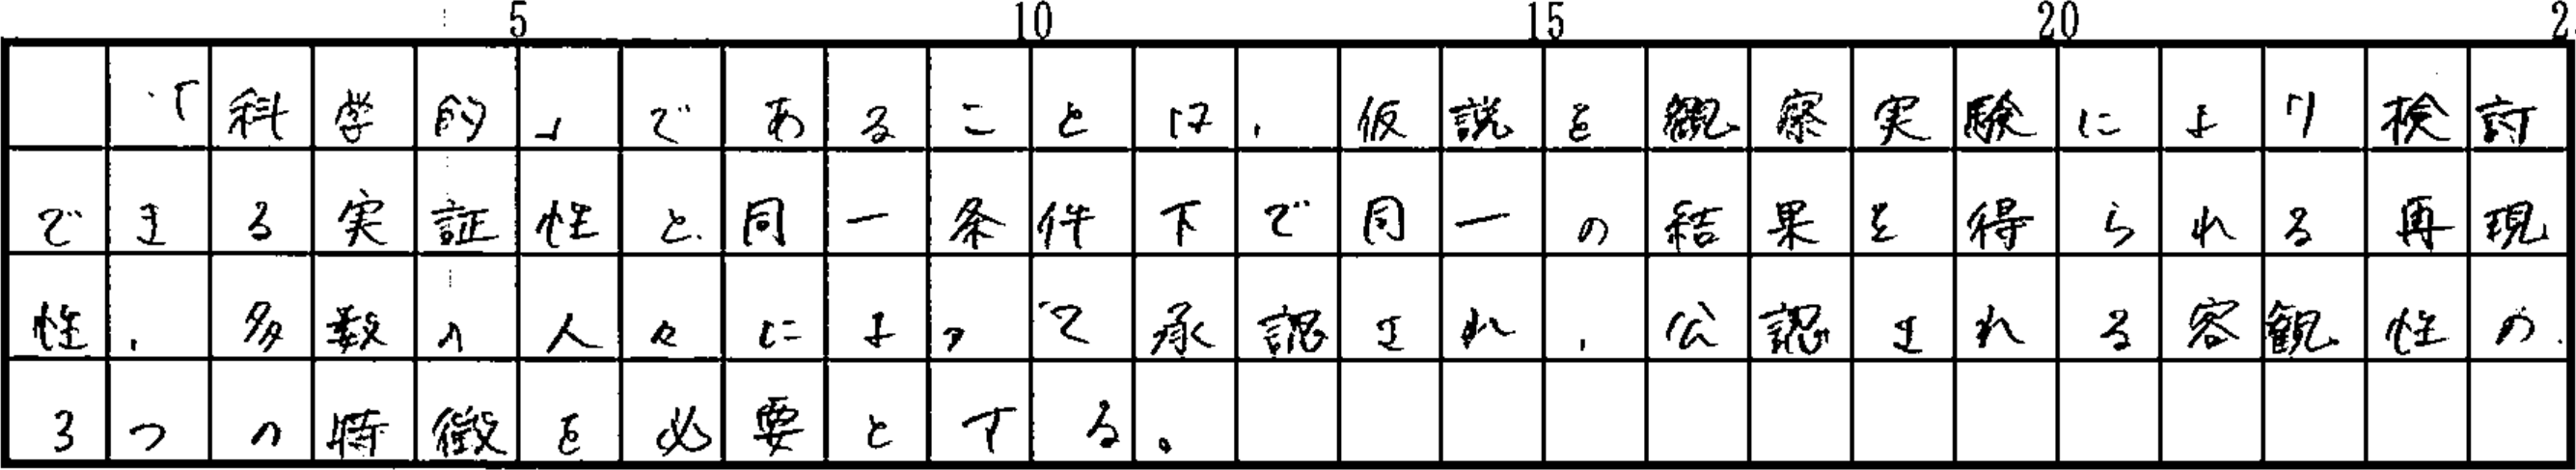　「科学的」であることは、仮説を観察実験により検討できる実証性と同一条件下で同一の結果を得られる再現性、多数の人々によって承認され、公認される客観性の３つの特徴を必要とする。
